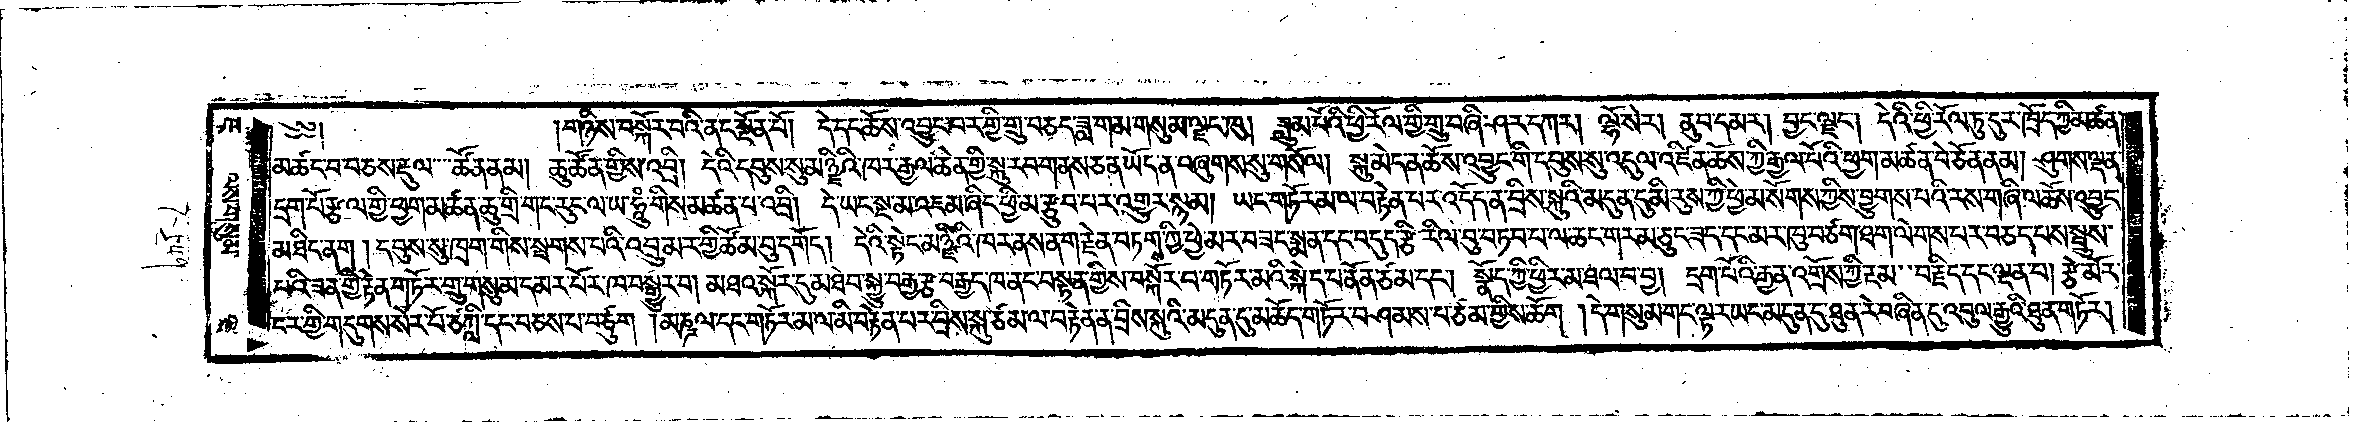༄༅། །གཉིས་བསྐོར་བའི་ནང་སྔོན་པོ། དེ་དང་ཆོས་འབྱུང་བར་གྱི་གྲུབ་བཅད་ཟླ་གམ་གསུམ་ལྗང་ཁུ། ཟླུམ་པོའི་ཕྱི་རོལ་གྱི་གྲུ་བཞི་ཤར་དཀར། ལྷོ་སེར། ནུབ་དམར། བྱང་ལྗང་། དེའི་ཕྱི་རོལ་ཏུ་དུར་ཁྲོད་ཀྱི་མཚན་
མཚང་བ་བཅས་རྡུལ་ཚོན་ནམ། ཆུ་ཚོན་གྱིས་འབྲི། དེའི་དབུས་སུ་མཉྫིའི་ཁར་རྒྱལ་ཆེན་གྱི་སུ་རབ་གནས་ཅན་ཡོད་ན་བཞུགས་སུ་གསོལ། སྐུ་མེད་ན་ཆོས་བྱུང་གི་དབུས་སུ་འདུལ་འཛིན་ཆོས་ཀྱི་རྒྱལ་པོའི་ཕྱག་མཚན་བེ་ཅོན་ནམ། ཤུགས་ལྡན་
དྲག་པོ་སྩལ་གྱི་ཕྱག་མཚན་ཆུ་གྲི་གང་རུང་ལ་ཡ་ཧཱུཾ་གིས་མཚན་པ་འབྲི། དེ་ཡང་སྔ་མ་འཇམ་ཞིང་ཕྱི་མ་རྩུབ་པར་འགྱུར་སྙམ། ཡང་གཏོར་མ་ལ་བརྟེན་པར་འདོད་ན་བྲིས་སྐུའི་མདུན་དུ་མི་རུས་ཀྱི་ཕྱེ་མ་སོགས་ཀྱིས་བྱུགས་པའི་རས་གཞི་ལ་ཆོས་འབྱུང་
མཐིང་ནག །དབུས་སུ་ཁྲག་གིས་སྦགས་པའི་འབྲུ་མར་གྱི་ཚོམ་བུ་དགོད། དེའི་སྟེང་མཉྫིའི་ཁར་ནས་ནག་རྗེན་བཏགས་ཀྱི་ཕྱེ་མར་བཟང་སྨན་དང་བདུད་རྩི་རིལ་བུ་བཏབ་པ་ལ་ཆང་གར་མ་ཅུང་ཟད་དང་མར་ཁུ་བཙག་ཐག་ལེགས་པར་བཅད་པས་སྦྲུས་
པའི་ཟན་གྱི་རྟེན་གཏོར་གྲུ་གསུམ་དམར་པོར་ཁ་བསྒྱུར་ལ། མཐའ་སྐོར་དུ་མཐེབ་སྐྱུ་བརྒྱ་རྩ་བརྒྱད་ཁ་ནང་བསྟན་གྱིས་བསྐོར་བ་གཏོར་མའི་སྐེད་བ་ནོན་ཙམ་དང་། སྣོད་ཀྱི་ཕྱིར་མཐལ་བ་བྱ། དྲག་པོའི་རྒྱན་འགྲོས་ཀྱི་རྔམ་བརྗིད་དང་ལྡན་པ། རྩེ་མོར་
དར་གྱི་གདུགས་སེར་པོ་ཙཀླི་དང་བཅས་པ་བཙུག །མཎྜལ་དང་གཏོར་མ་ལ་མི་བརྟེན་པར་བྲིས་སྐུ་ཙམ་ལ་བརྟེན་ན་བྲིས་སྐུའི་མདུན་དུ་མཆོད་གཏོར་བཤམས་པ་ཙམ་གྱིས་ཆོག །དེ་གསུམ་གང་ལྟར་ཡང་མདུན་དུ་ཐུན་རེ་བཞིན་དུ་འབུལ་རྒྱུའི་ཐུན་གཏོར།